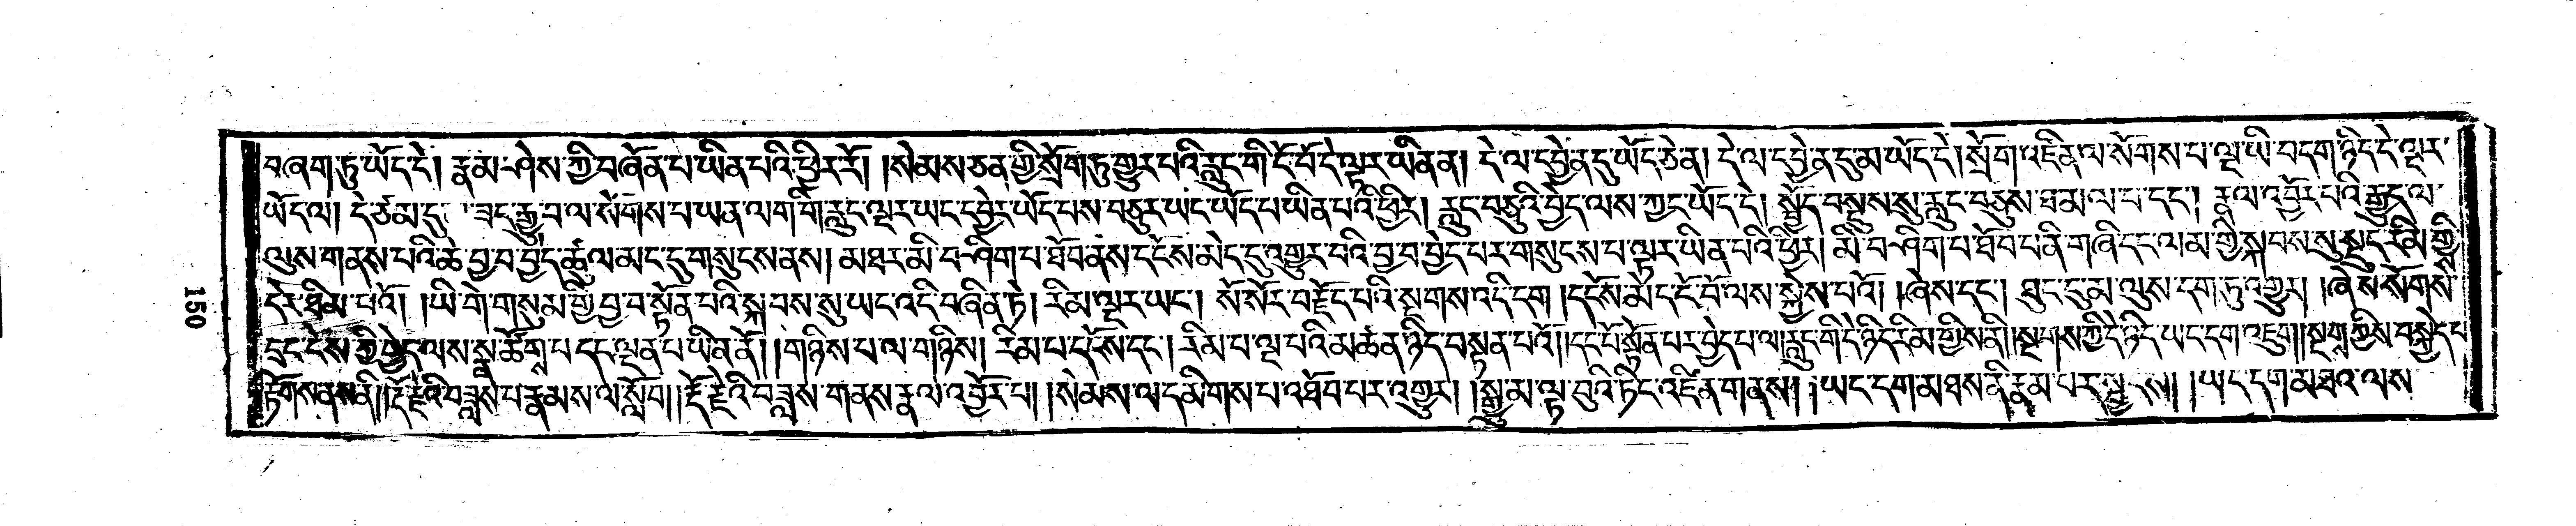བཞག་ཏུ་ཡོད་དེ། རྣམ་ཤེས་ཀྱི་བཞོན་པ་ཡིན་པའི་ཕྱིར་རོ། །སེམས་ཅན་གྱི་སྲོག་ཏུ་གྱུར་པའི་རླུང་གི་ངོ་བོ་དེ་ལྟར་ཡིན་ན། དེ་ལ་དབྱེ་ན་དུ་ཡོད་ཅེ་ན། དེ་ལ་དབྱེ་ན་དུ་མ་ཡོད་དེ། སྲོག་འཛིན་ལ་སོགས་པ་ལྔ་ཡི་བདག་ཉིད་དེ་ལྔར་
ཡོད་ལ། དེ་ཙམ་དུ་མ་ཟད་རྒྱུ་བ་ལ་སོགས་པ་ཡན་ལག་གི་རླུང་ལྔར་ཡང་དབྱེར་ཡོད་པས་བཅུར་ཡང་ཡོད་པ་ཡིན་པའི་ཕྱིར། རླུང་བཅུའི་བྱེད་ལས་ཀྱང་ཡོད་དེ། སྤྱོད་བསྡུས་སུ་རླུང་བཅུས་ཐ་མལ་པ་དང་། རྣལ་འབྱོར་པའི་རྒྱུད་ལ་
ལུས་གནས་པའི་ཚེ་བྱ་བ་བྱེད་ཚུལ་མང་དུ་གསུངས་ནས། མཐར་མི་བཤིག་པ་ཐོབ་ནས་དངོས་མེད་དུ་འགྱུར་བའི་བྱ་བ་བྱེད་པར་གསུངས་པ་ལྟར་ཡིན་པའི་ཕྱིར། མི་བཤིག་པ་ཐོབ་པ་ནི་གཞི་དང་ལམ་གྱི་སྐབས་སུ་སྡུད་རིམ་གྱིས་
དེར་ཐིམ་པའོ། །ཡི་གེ་གསུམ་གྱི་བྱ་བ་སྟོན་པའི་སྐབས་སུ་ཡང་འདི་བཞིན་ཏེ། རིམ་ལྔར་ཡང་། སོ་སོར་བརྗོད་པའི་སྔགས་འདི་དག །དངོས་མེད་ངོ་བོ་ལས་སྐྱེས་པའོ། །ཞེས་དང་། ཐུང་ངུ་མ་ལུས་དག་ཏུ་འགྱུར། །ཞེས་སོགས་
དྲང་ངེས་ཀྱི་བྱེད་ལས་སྣ་ཚོགས་པ་དང་ལྡན་པ་ཡིན་ནོ། །གཉིས་པ་ལ་གཉིས། རིམ་པ་དངོས་དང་། རིམ་པ་ལྔ་པའི་མཚན་ཉིད་བསྟན་པའོ། །དང་པོ་སྟོན་པར་བྱེད་པ་ལ། རླུང་གི་དེ་ཉིད་རིམ་གྱིས་ནི། །སྔགས་ཀྱི་དེ་ཉིད་ཡང་དག་འཇུག །སྔགས་ཀྱིས་བསྐྱེད་དུ་
རྟོགས་ནས་ནི། །རྡོ་རྗེའི་བཟླས་པ་རྣམས་ལ་སློབ། །རྡོ་རྗེའི་བཟླས་གནས་རྣལ་འབྱོར་བ། །སེམས་ལ་དམིགས་པ་འཐོབ་པར་འགྱུར། །སྒྱུ་མ་ལྟ་བུའི་ཏིང་འཛིན་གནས། །ཡང་དག་མཐས་ནི་རྣམ་པར་སྦྱངས། །ཡང་དག་མཐའ་ལས་